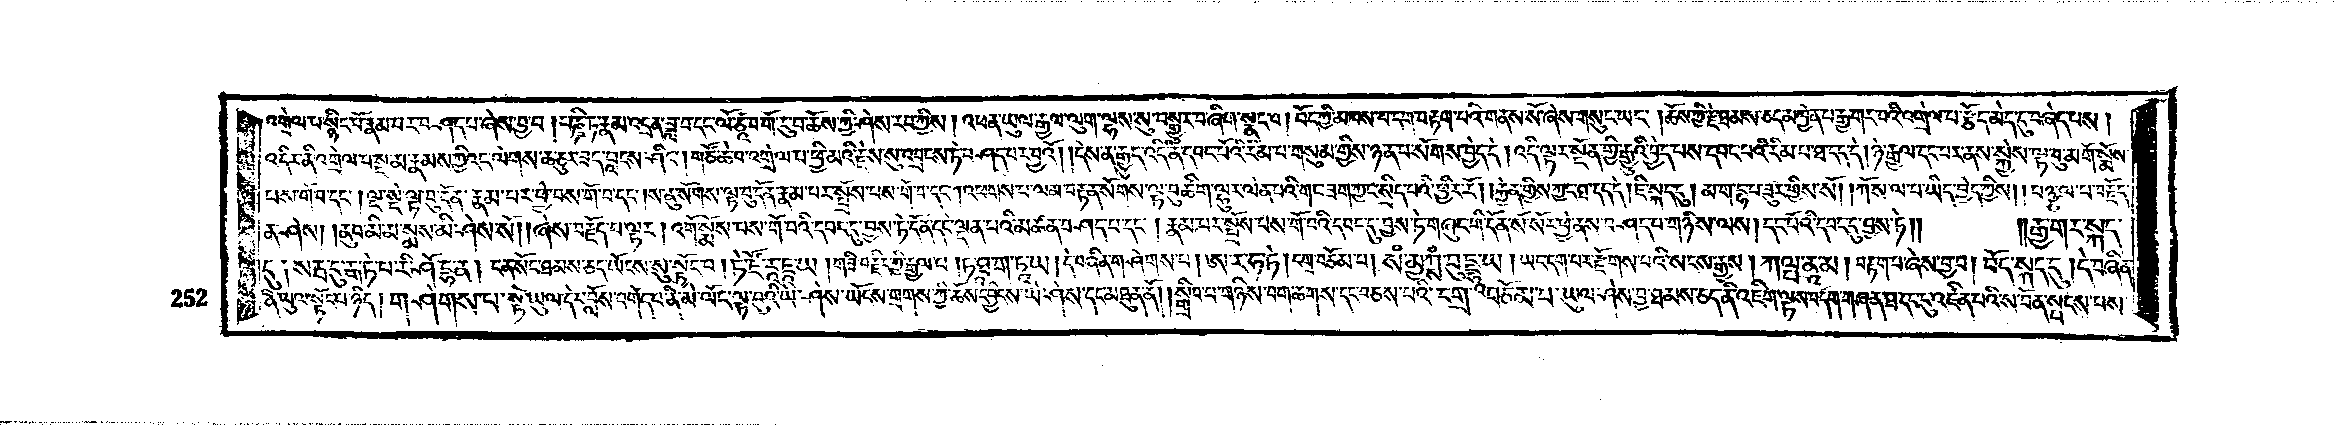འགྲེལ་པ་སྙིང་པོ་རྣམ་པར་བཤད་པ་ཞེས་བྱ་བ། པཎྜི་ཏ་རྣམ་འདྲེན་ཟླ་བ་དང་ལོ་ཙཱ་བ་གོ་རུ་བ་ཆོས་ཀྱི་ཤེས་རབ་ཀྱིས། འཕན་ཡུལ་རྒྱལ་ལུག་ལྷས་སུ་བསྒྱུར་བ་ཞིག་སྣང་བ། བོད་ཀྱི་མཁས་པ་དག་བརྟག་པའི་གནས་སོ་ཞེས་གསུང་ཡང་། ཆོས་ཀྱི་རྗེ་ཐམས་ཅད་མཁྱེན་པ་རྒྱ་གར་བའི་འགྲེལ་པ་རྩོད་མེད་དུ་བཞེད་པས།
འདིར་ནི་འགྲེལ་པ་སྔ་མ་རྣམས་ཀྱིའང་ལེགས་ཆ་ཅུང་ཟད་བླངས་ཤིང་། གཙོ་ཆེ་བ་འགྲེལ་པ་ཕྱི་མའི་རྗེས་སུ་འབྲངས་ཏེ་བཤད་པར་བྱའོ། །དེས་ན་རྒྱུད་འདི་ནི་དབང་པོའི་རིམ་པ་གསུམ་གྱིས་ཉན་པ་སོགས་བྱེད་དེ། འདི་ལྟར་སྔོན་གྱི་རྒྱུའི་བྱེད་པས་དབང་པའི་རིམ་པ་ཐ་དད་དེ། ཉེ་རྒྱལ་དང་པར་?་ནས་སྐྱེས་ལྟ་བུ་མགོ་སྨོས་
པས་གོ་བ་དང་། ལྔ་སྡེ་ལྟ་བུ་དོན་རྣམ་པར་ཕྱེ་བས་གོ་བ་དང་། ས་ནུ་སོགས་ལྟ་བུ་དོན་རྣམ་པར་སྤྲོས་པས་གོ་བ་དང་། འཕགས་པ་ལམ་བརྟན་སོགས་ལྟ་བུ་ཚིག་ལྷུར་ལེན་པའི་གང་དྲག་ཀྱང་སྲིད་པའི་ཕྱིར་རོ། །རྐྱེན་གྱིས་ཀྱང་ཐ་དད་དེ། ཇི་སྐད་དུ། མ་ག་དྷ་པ་ཟུར་གྱིས་སོ། །ཀོ་ས་ལ་པ་ཡིད་བྱེད་ཀྱིས། །པཉྩ་ལ་པ་བརྗོད་
ན་ཤེས། །ནུབ་མི་མ་སྨྲས་མི་ཤེས་སོ། །ཞེས་བརྗོད་པ་ལྟར། འགོ་སྨོས་པས་གོ་བའི་དབང་དུ་བྱས་ཏེ་དོན་དང་ལྡན་པའི་མཚན་བཤད་པ་དང་། རྣམ་པར་སྤྲོས་པས་གོ་བའི་དབང་དུ་བྱས་ཏེ་གཞུང་གི་དོན་སོ་སོར་ཕྱེ་ནས་བཤད་པ་གཉིས་ལས། དང་པོའི་དབང་དུ་བྱས་ཏེ།། །།རྒྱ་གར་སྐད་
དུ། སརྦ་དུ་རྒ་ཏེ་པ་རི་ཤོ་དྷ་ན། ངན་སོང་ཐམས་ཅད་ཡོངས་སུ་སྦྱོང་བ། ཏེ་ཛོ་རཱ་ཇཱ་ཡ། གཟི་བརྗིད་ཀྱི་རྒྱལ་པོ་།ཏ་ཐཱ་ག་ཏཱ་ཡ། དེ་བཞིན་གཤེགས་པ། ཨ་ར་ཧ་ཏེ། དགྲ་བཅོམ་པ། སཾ་མྱཀྶཾ་བུདྡྷ་ཡ། ཡང་དག་པར་རྫོགས་པའི་སངས་རྒྱས། ཀལྤ་ནཱ་མ། བརྟག་པ་ཞེས་བྱ་བ། བོད་སྐད་དུ། དེ་བཞིན་
ནི་ཡུལ་སྟོང་པ་ཉིད། གཤེགས་པ་སྟེ་ཡུལ་དེར་བློས་བགོད་པ་ནི་མེ་ལོང་ལྟ་བུའི་ཡི་ཤེས་ཡོངས་གྲགས་ཀྱི་ཆོས་དབྱིངས་ཡེ་ཤེས་དང་མཐུན་ནོ། །སྒྲིབ་པ་གཉིས་བག་ཆགས་དང་བཅས་པའི་དགྲ་བཅོམ་པ་ཡུལ་ཤེས་བྱ་ཐམས་ཅད་ནི་འཇིག་ལྟས་བདག་གཞན་ཐ་དད་དུ་འཛིན་པའི་ས་བོན་སྤངས་པས་